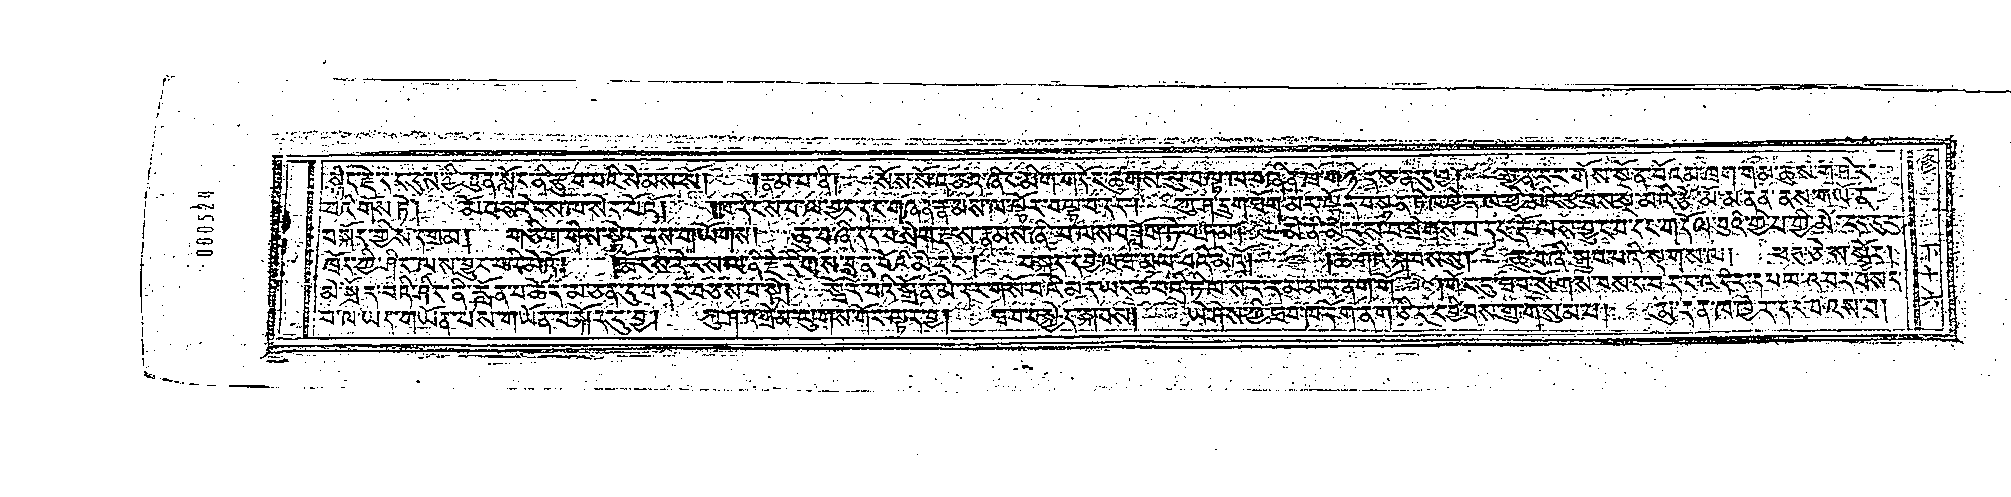སྙིང་རྗེ་དང་དུས་ཀྱི་ཀུན་སློང་ནི་རྩུབ་པའི་སེམས་སོ། །རྣམ་པ་ནི། སོས་སོ་འཆའ་ཞིང་མིག་གདོང་ཚུགས་སྐུ་བལྟ་ལ་བཞིན་ཁྲོ་གཉེར་ཅན་དུ་བྱ། རྒྱན་དང་གོས་སྔོན་པོའམ་ཁྲག་གམ་ཆུས་གཤེར་
བའི་གོས་ཏེ། མོ་པས་རེངས་ལ་སེར་པོའོ། །ཁ་རེངས་པ་ལ་བྱང་དང་གཞན་རྣམས་ལ་ལྷོར་བལྟ་བ་དང་། ཀུ་ཤ་དྲུག་ཐོག་མར་ལྟོར་བསྟན་ཏེ་ཁ་ཁྱེར་ལ་ཕྱི་མའི་རྩ་བས་སྡེ་མའི་རྩེ་མོ་མནན་ནས་གཡོན་
བསྐོར་གྱིས་དགྲམ། གཅིག་གིས་སྟེད་ནས་གཡོགས། ཆུ་བཞི་དད་བསྲེག་རྫས་རྣམས་ཞི་བ་ལས་བཟློག་ཏེ་བཤམ། མེ་ནི་མི་རུས་བསྲེགས་པ་དང་རྡོ་ལས་བྱུང་བ་དེང་གདོལ་བུའི་གྱི་པ་གྱི་མེ་དང་དུར་
ཁྲོད་ཀྱི་ཤིང་ལས་བྱུང་བའི་མེའོ། །རྨོངས་རེངས་ལ་ནི་རྗེ་རིགས་བླུན་པོའི་མེ་དང་། བསྐྲད་དབྱེ་ལ་ཐ་མལ་བའི་མེའོ། །ཆོ་གའི་སྐབས་སུ། ཆུ་བཞི་སྒྲུབ་པའི་སྔགས་ལ། ཕཊ་ཅེས་སྦྱོར།
མེ་སྦོར་བའི་ཤིང་ནི་རློན་པ་ཚེར་མ་ཅན་དུ་བ་དང་བཅས་པ་སྟེ། སྦོར་བའི་སྒྲོན་མེ་དང་གསོ་བའི་མར་ཡང་ཚ་བའི་ཏིལ་སར་རམ་མར་ནག་གོ །གོང་དུ་ཐབ་སོགས་བསང་བ་དང་འདིར་དཔལ་འབར་བསང་
བ་ལ་ཡང་གཡོན་པས་གཡོན་བསྐོར་དུ་བྱ། ཀུ་ཤ་འགྲེམ་ལུགས་གོང་ལྟར་བྱ། ཐབ་བསྐྱེད་སྐབས། ཡེ་ཤེས་ཀྱི་ཐབ་ཁ་དོག་ནག་ཅིང་དབྱིབས་གྲུ་གསུམ་པ། མུར་རན་ཁ་ཁྱེར་དང་བའས་བ།